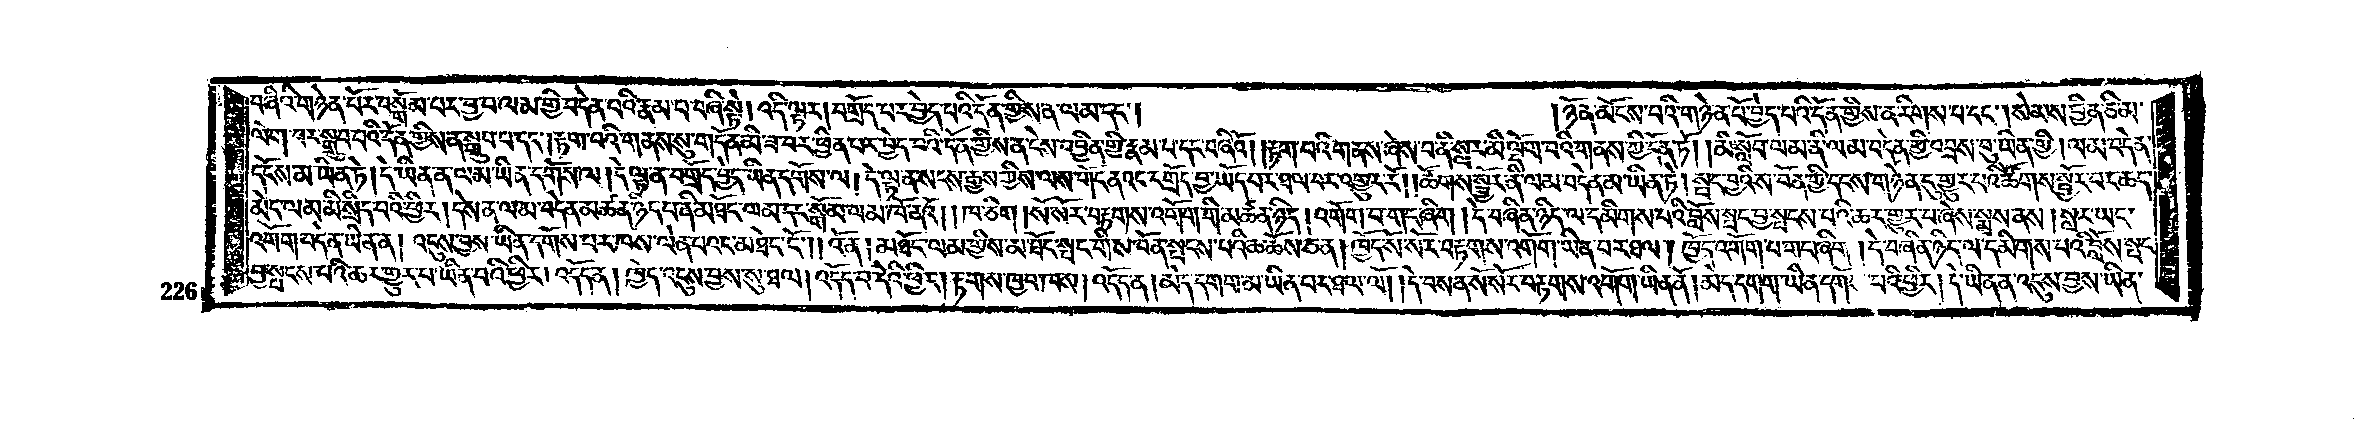བཞིའི་གཉེན་པོར་བསྒོམ་པར་བྱ་བ་ལམ་གྱི་བདེན་པའི་རྣམ་པ་བཞི་སྟེ། འདི་ལྟར། བགྲོད་པར་བྱེད་པའི་དོན་གྱིས་ན་ལམ་དང་། །ཉོན་མོངས་པའི་གཉེན་པོ་བྱེད་པའི་དོན་གྱིས་ན་རིགས་པ་དང་། སེམས་ཕྱིན་ཅི་མ་
ལོག་པར་སྒྲུབ་པའི་དོན་གྱིས་ན་སྒྲུབ་པ་དང་། རྟག་པའི་གནས་སུ་གདོན་མི་ཟ་བར་ཕྱིན་པར་བྱེད་པའི་དོན་གྱིས་ན་ངེས་འབྱིན་གྱི་རྣམ་པ་དང་བཞིའོ། །རྟག་པའི་གནས་ཞེས་པ་ནི་སླར་མི་ལྡོག་པའི་གནས་ཀྱི་དོན་ཏོ། །མི་སློབ་ལམ་ནི་ལམ་བདེན་གྱི་འབྲས་བུ་ཡིན་གྱི། ལམ་བདེན་
དངོས་མ་ཡིན་ཏེ། དེ་ཡིན་ན་ལམ་ཡིན་དགོས་ལ། དེ་ལྟ་ན་བགྲོད་བྱེད་ཡིན་དགོས་ལ། དེ་ལྟ་ན་སངས་རྒྱས་ཀྱིས་ལས་གོང་ནའང་འགྲོད་བྱ་ཡོད་པར་ཐལ་བར་འགྱུར་རོ། །ཚོགས་སྦྱོར་ནི་ལམ་བདེན་མ་ཡིན་ཏེ། སྤང་བྱའི་ས་བོན་གྱི་དངོས་གཉེན་དུ་གྱུར་པའི་ཚོགས་སྦྱོར་བར་ཆད་
མེད་ལམ་མི་སྲིད་པའི་ཕྱིར། དེས་ན་ལམ་བདེན་མཚན་ཉིད་པ་ནི་མཐོང་ལམ་དང་སྒོམ་ལམ་ཁོ་ནའོ། །ཁ་ཅིག །སོ་སོར་བརྟགས་འགོག་གི་མཚན་ཉིད། འགོག་པ་གང་ཞིག །དེ་བཞིན་ཉིད་ལ་དམིགས་པའི་བློས་སྤང་བྱ་སྤངས་པའི་ཆར་གྱུར་པ་ཞེས་སྨྲས་ནས། སླར་ཡང་
འགོག་བདེན་ཡིན་ན། འདུས་བྱས་ཡིན་དགོས་པར་ཁས་ལེན་པའང་མཐོང་ངོ། །འོ་ན། མཐོང་ལམ་གྱིས་མཐོང་སྤང་གི་ས་བོན་སྤངས་པའི་ཆ་ཆོས་ཅན། ཁྱོད་སོ་སོར་བརྟགས་འགོག་ཡིན་པར་ཐལ། ཁྱོད་འགོག་པ་གང་ཞིག། དེ་བཞིན་ཉིད་ལ་དམིགས་པའི་བློས་སྤང་
བྱ་སྤངས་པའི་ཆར་གྱུར་པ་ཡིན་པའི་ཕྱིར། འདོད་ན། ཁྱེད་འདུས་བྱས་སུ་ཐལ། འདོད་པ་དེའི་ཕྱིར། རྟགས་ཁྱབ་ཁས། འདོད་ན། མེད་དགག་མ་ཡིན་པར་ཐལ་ལོ། །དེ་བས་ན་སོ་སོར་བརྟགས་འགོག་ཡིན་ན། མེད་དགག་ཡིན་དགོས་པའི་ཕྱིར། དེ་ཡིན་ན་འདུས་བྱས་ཡིན་